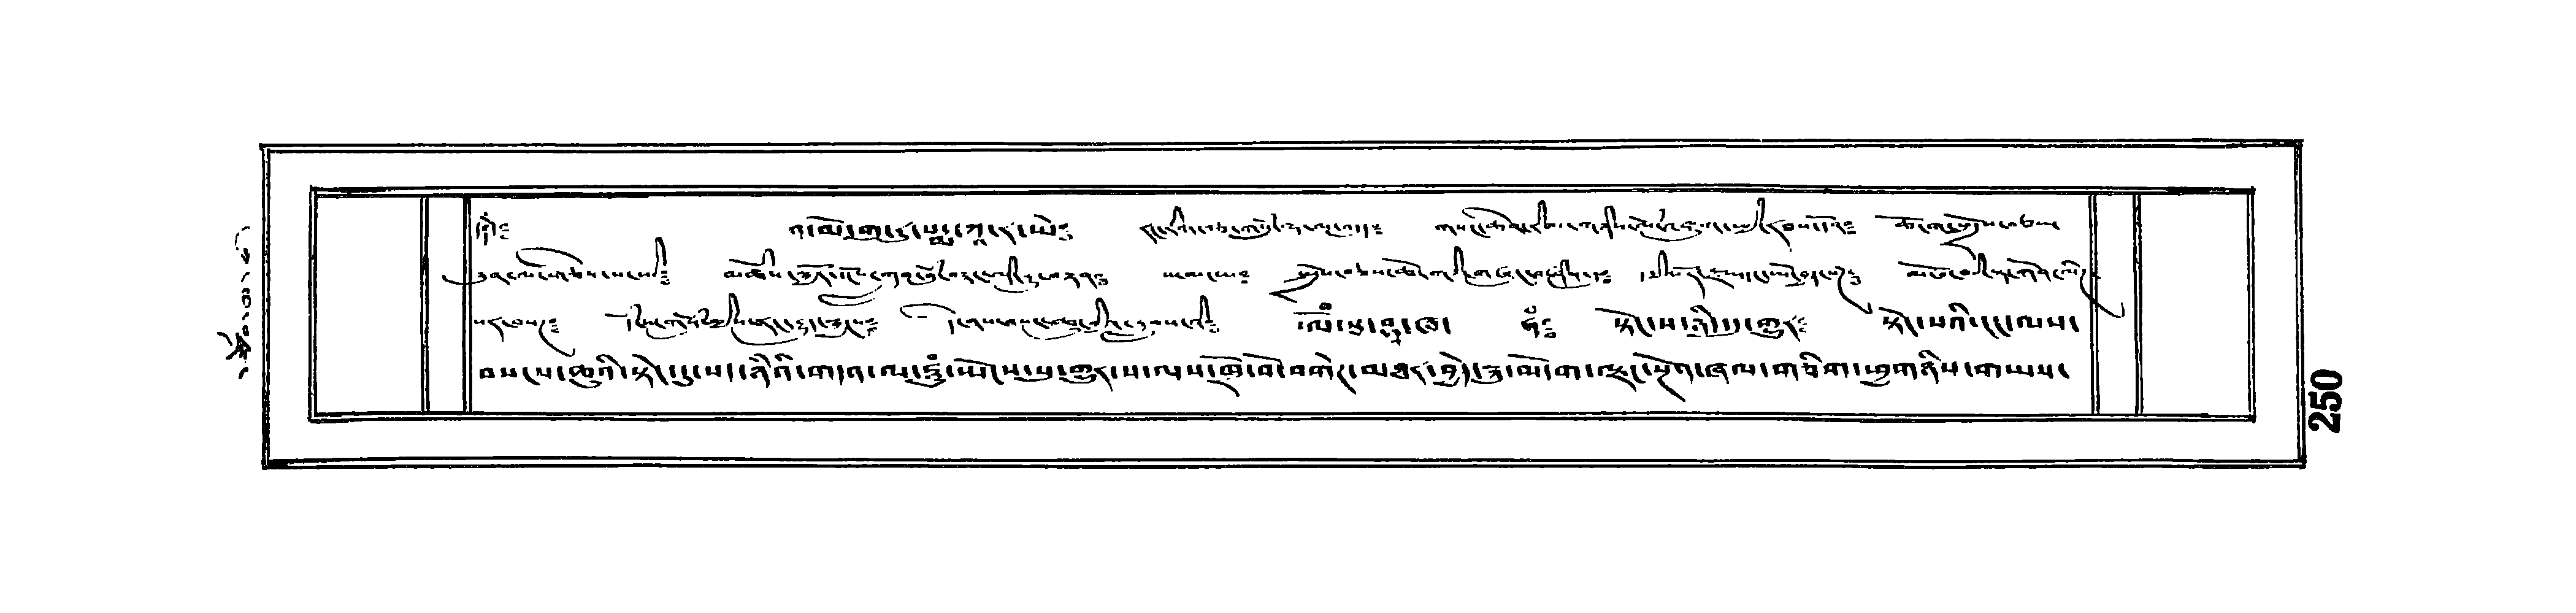ན་མོ་གུ་རུ་པདྨ་ཀཱ་ར་ཡེ༔ རང་རིག་རྩ་གསུམ་ལྷ་ལ་འདུད༔ གསང་ཆེན་རིམ་གཉིས་ལམ་འཇུག་ཕྱི་རབས་དོན༔ ཆོ་ག་སྤྲོས་བཅས་
ཀུན་ལ་གཅེས་པ་ཡི༔ མཚམས་སྦྱོར་དངོས་གྲུབ་བུམ་བཟང་འདི་རུ་བསྟན༔ ས་མ་ཡ༔ སྤྲོས་བཅས་ཆོ་གའི་གཞུང་བཞིན་དུ༔ དཀྱིལ་འཁོར་རྫས་དང་ཡོ་བྱད་སོགས༔ མཁོ་བའི་སྟ་གོན་ལེགས་
པར་བསགས༔ དམ་པ་གསུམ་གྱིས་རང་རྒྱུད་སྦྱངས༔ དེ་ནས་གསང་ཆུ་བྱིན་རླབས་ནི༔ ཨོཾ་སྭ་བྷཱ་ཝ༴ ཧཾ༔ སྟོང་པ་ཉིད་དུ་གྱུར༔ སྟོང་པའི་ངང་ལས་
བསངས་ཆུའི་སྟེང་དུ་པད་ཉིའི་གདན་ལ་ཧཱུཾ་ཡོངས་སུ་གྱུར་པ་ལས་ཁྲོ་བོ་བགེགས་མཐར་བྱེད་སྐུ་མདོག་ལྗང་སྔོན་ཞལ་གཅིག་ཕྱག་གཉིས་གཡས་